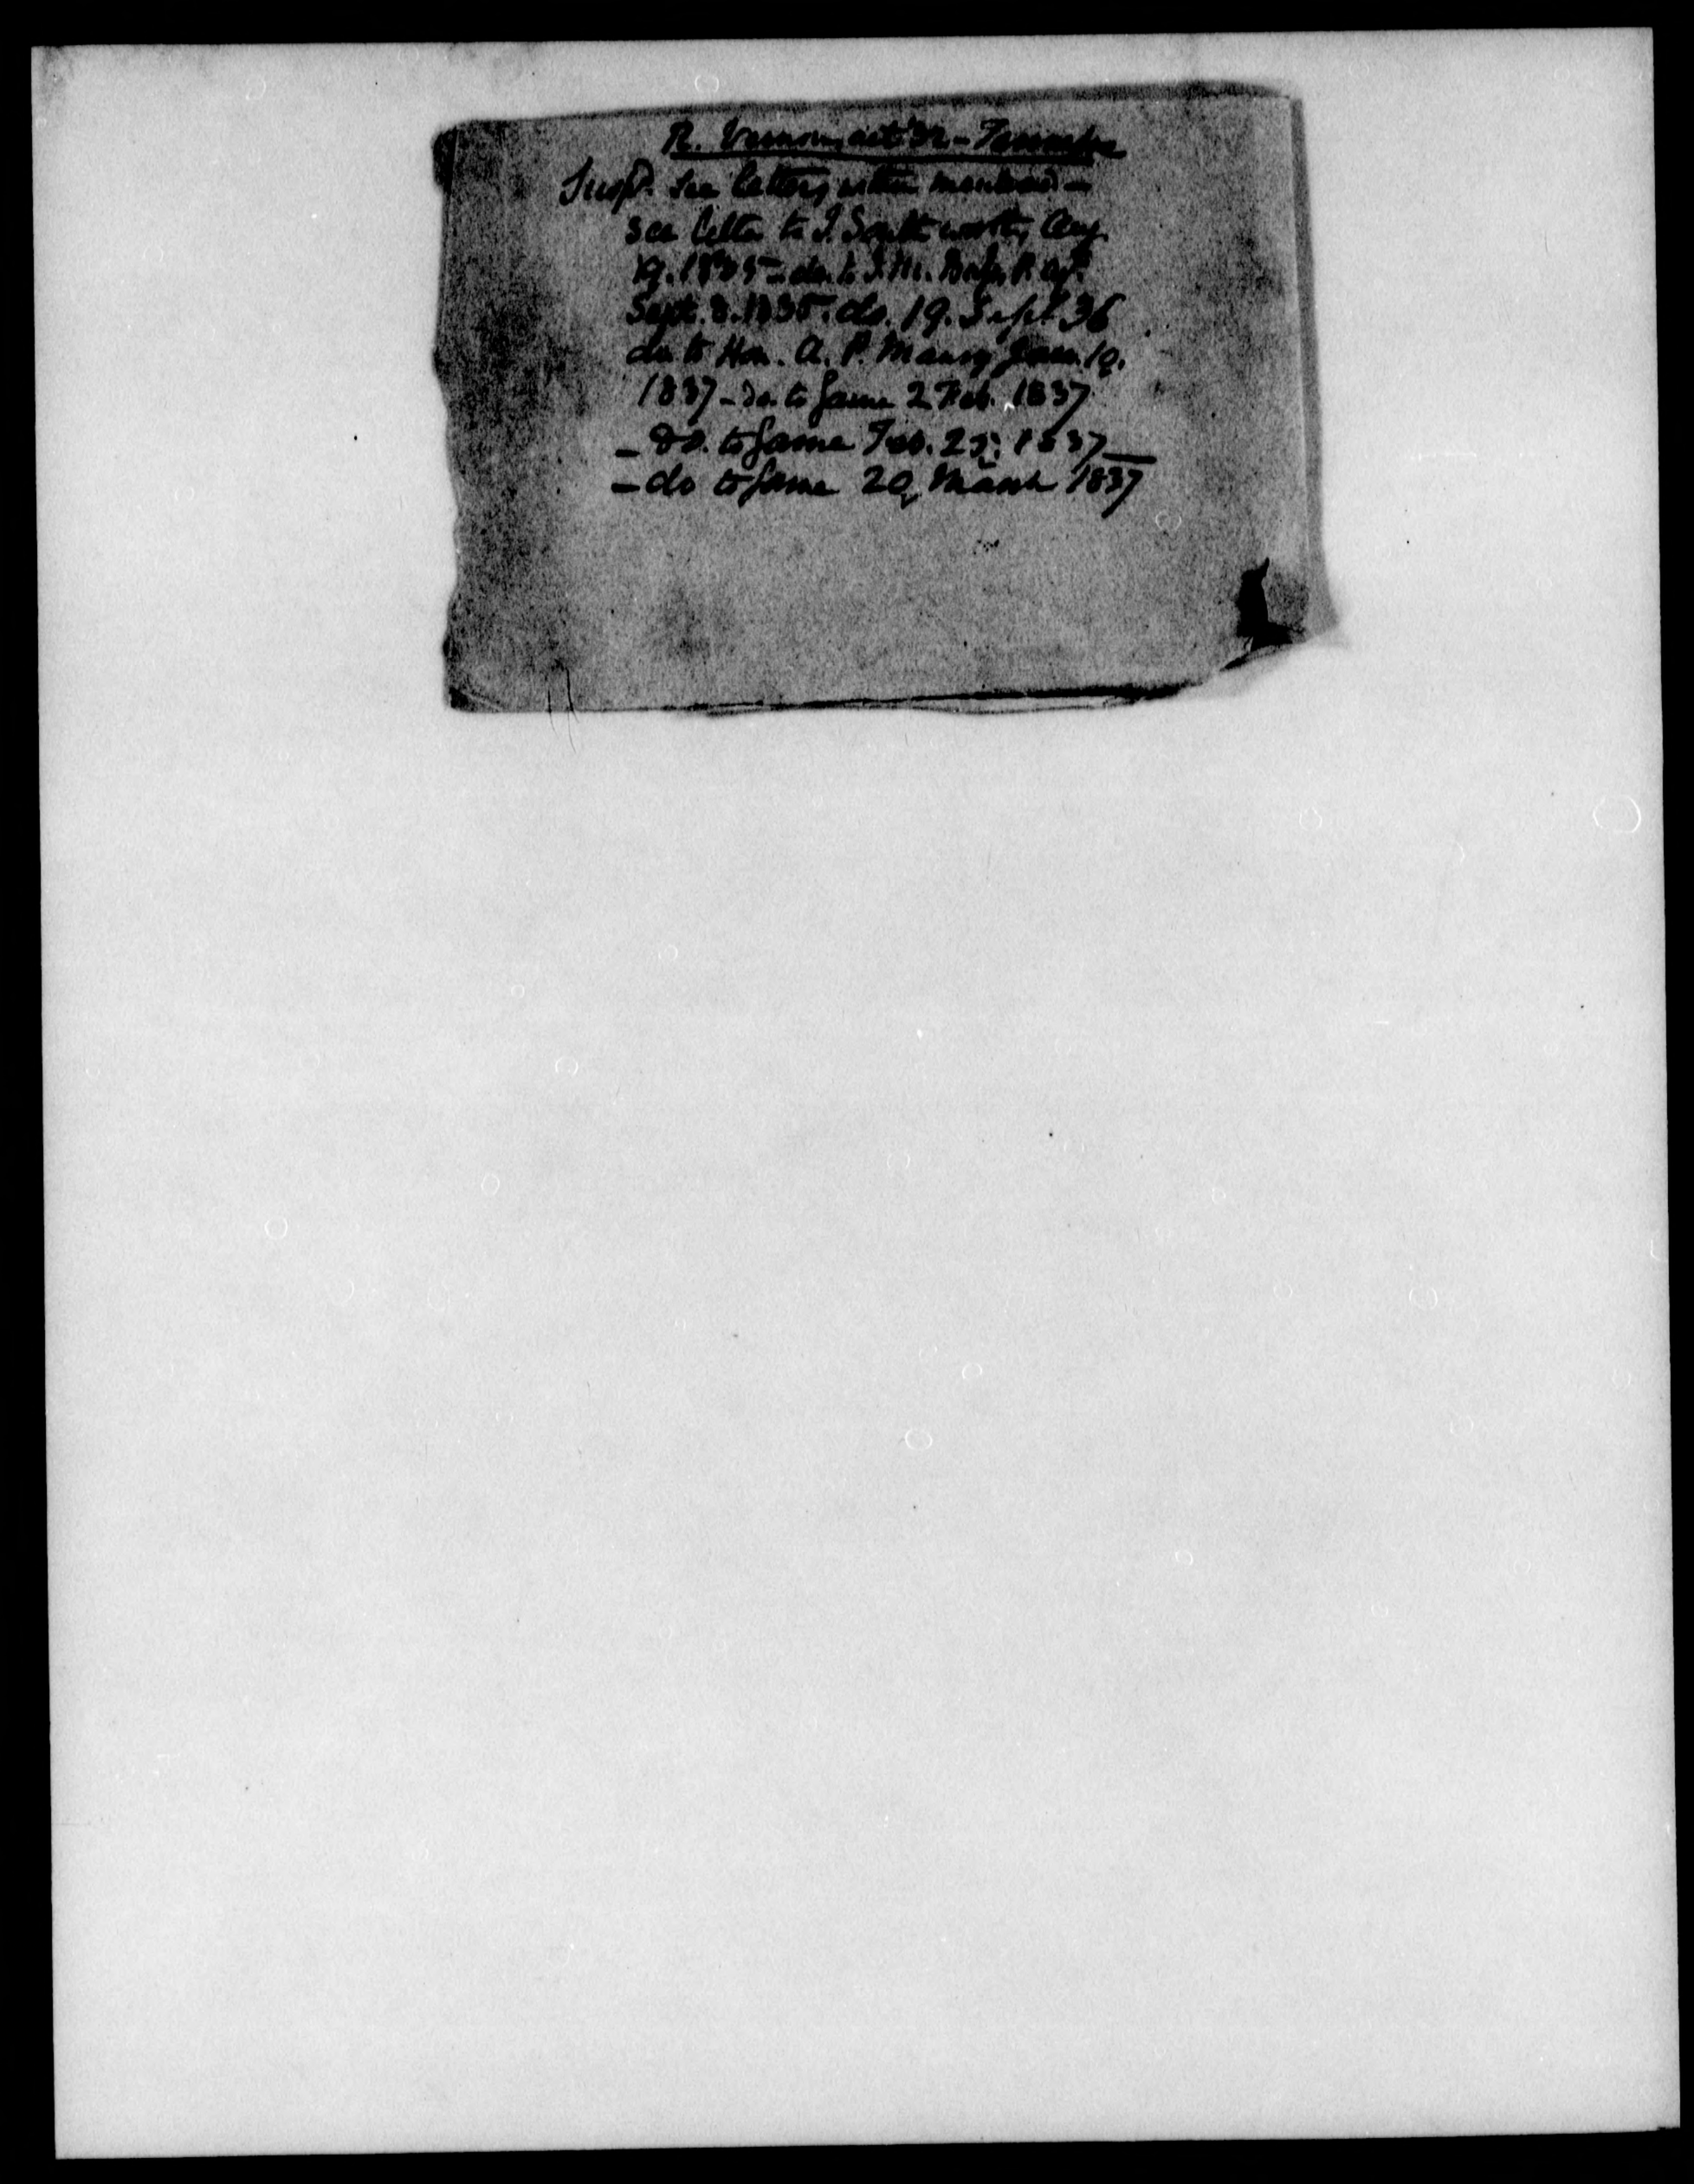Susp. see letters written members –
See letter to J. Southworth Aug. 19. 1835 –
do. to Ltr to J. H. Boss [illegible]
Sept. 8. 1835 . do. 19 . Sept 36
Ltr. To Hon. A. P. Maury Jan. 10 1837 – do . to Same 27 Feb. 1837
- do . to Same Feb. 25. 1837
- do . to Same 20 March 1837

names: J Southworth, R Vernon, A P Maury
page: 35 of 105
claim: survivor's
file: S. 1883, Richard Vernon, N.C.